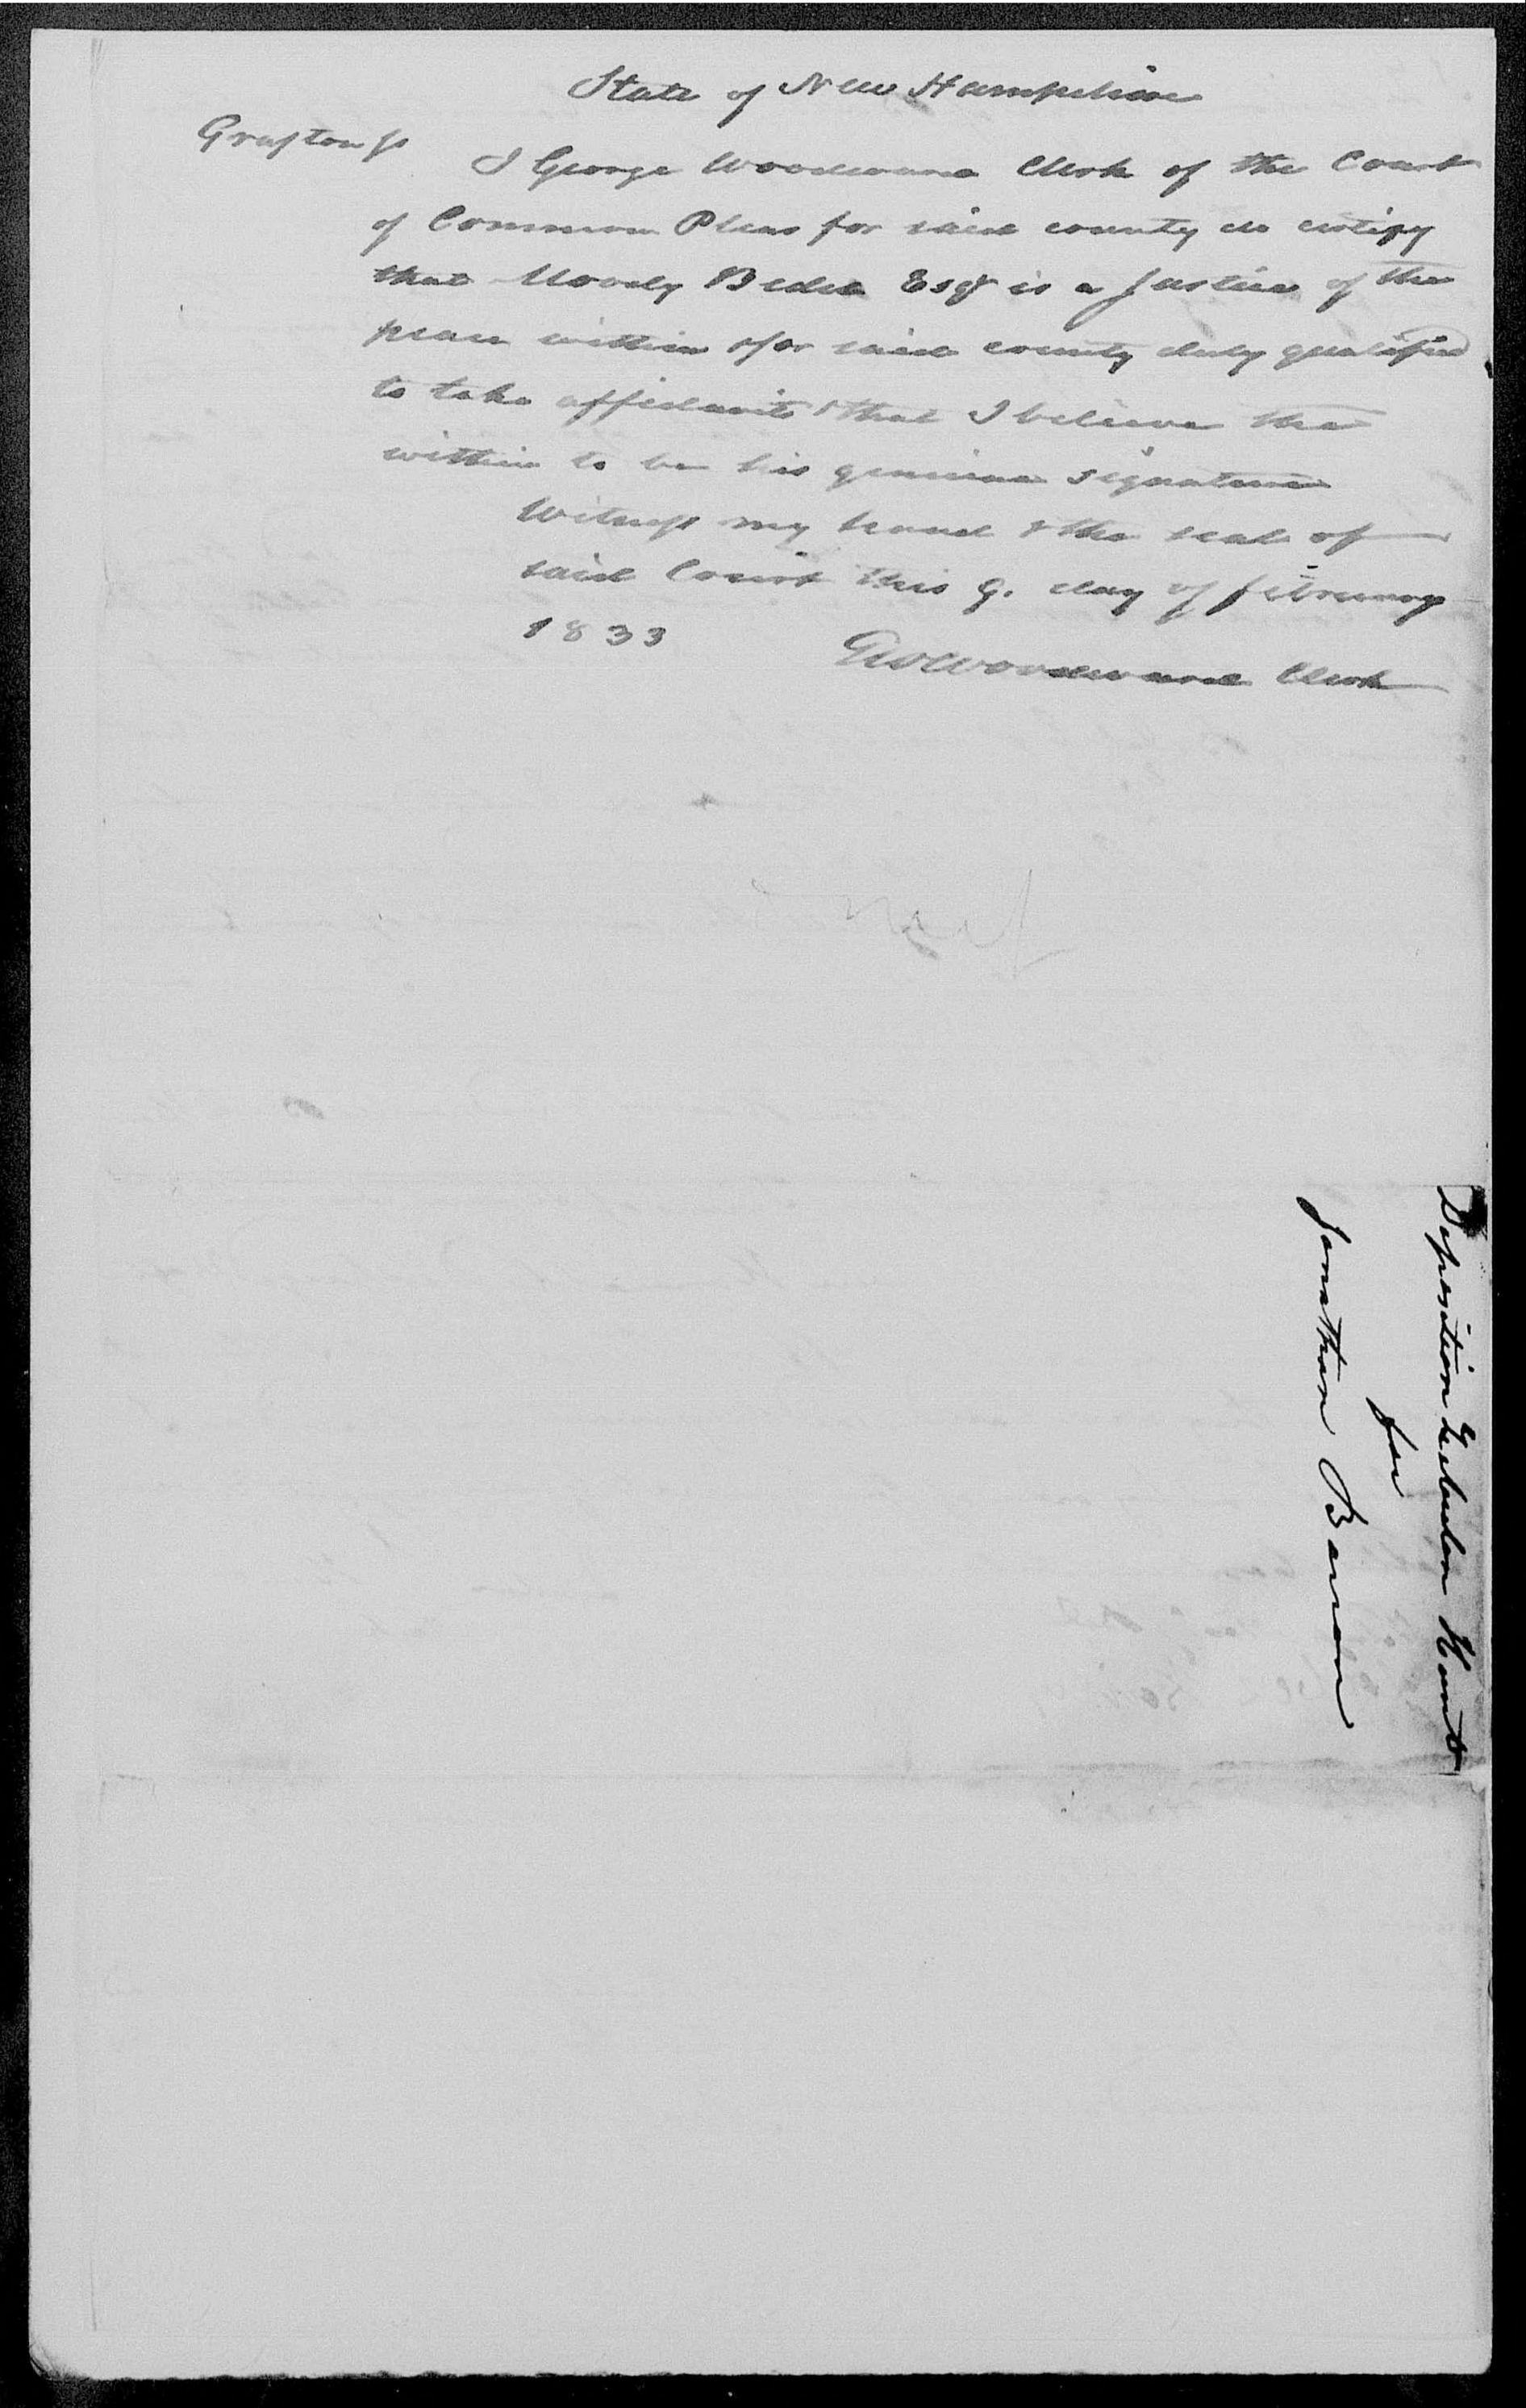State of New Hampshire
Grafton ss I George Woodward Clerk of the Court of Common Pleas for said county do certify that Moody Bedel Esqr is a Justice of the peace within & for said county duly qualified to take affidavits & that I believe the within to be his genuine signature
[court seal affixed] Witness my hand & the seal of said Court this 9. day of february 1833
/s/Geo Woodward Clerk
Deposition Zebulon Hunt for Jonathan Barron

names: George Woodward, Geo Woodward, Zebulon Hunt, Moody Bedel, Jonathan Barron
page: 14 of 25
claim: survivor's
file: S. 28986, Jonathan Barron, N.H.